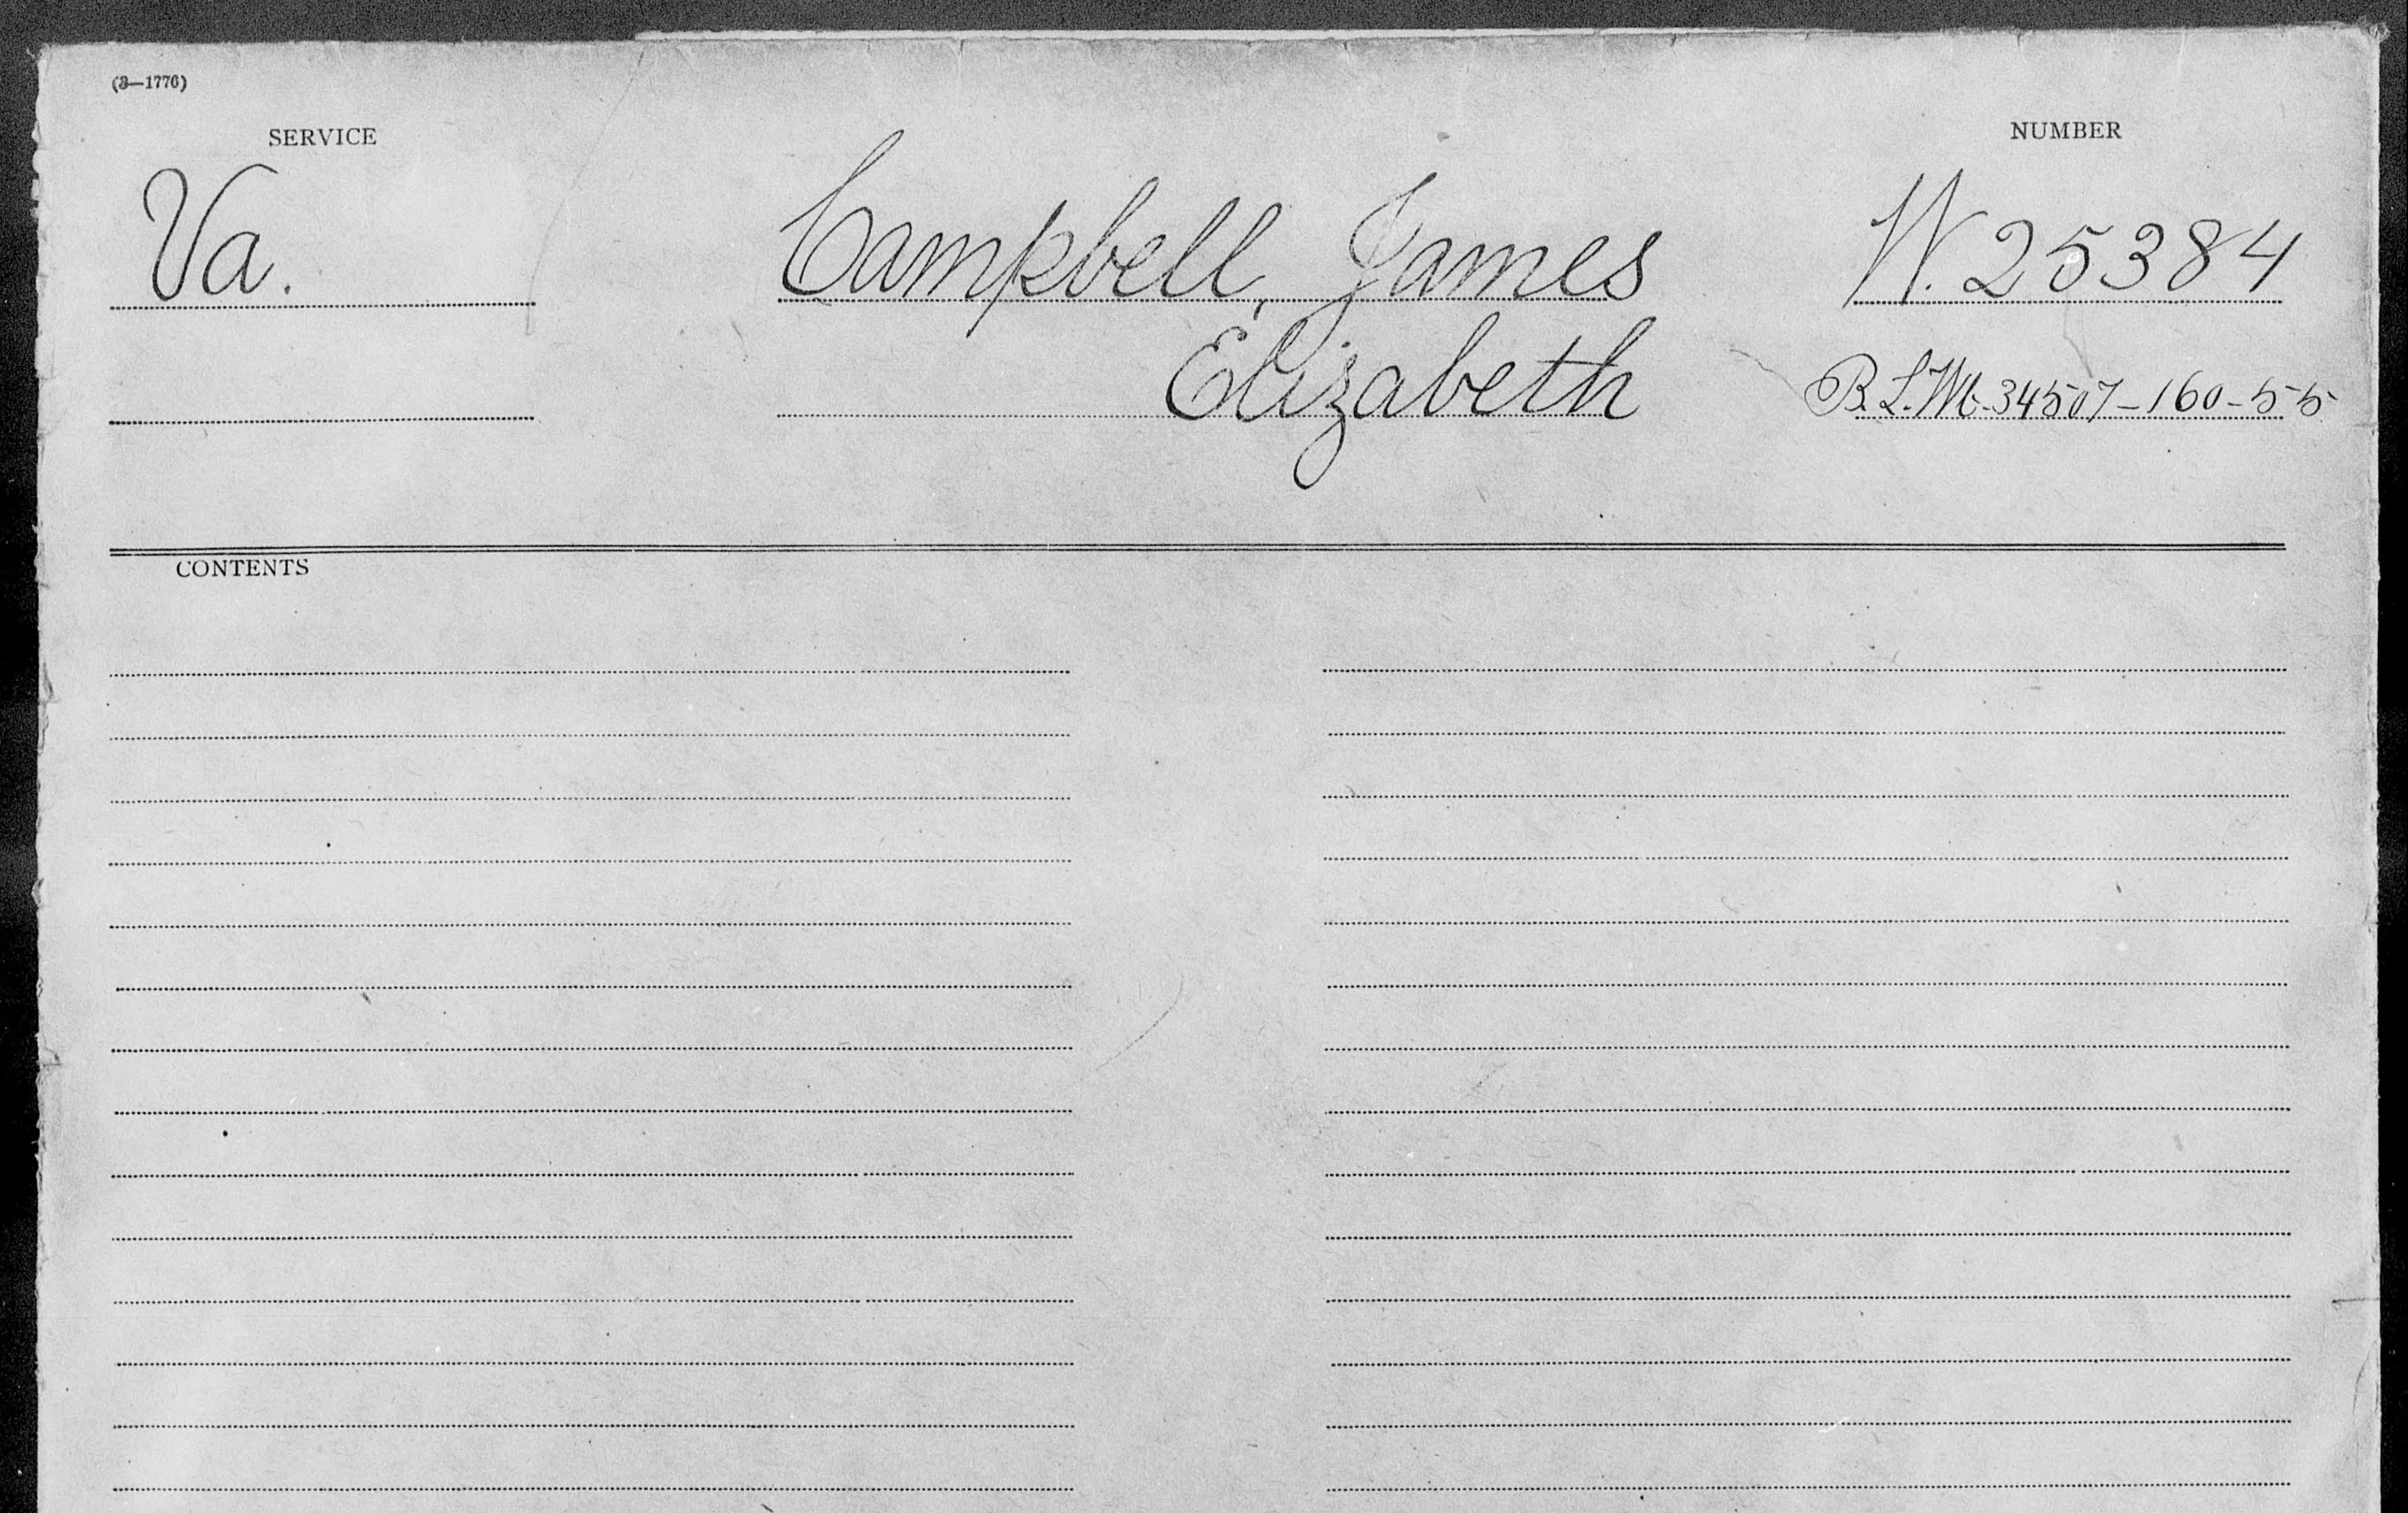Service Va.
Campbell, James
Elizabeth
Numbe W25384
BLWC 34507-160-55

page: 1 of 47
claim: widow's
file: W. 25384, James Campbell, Va.